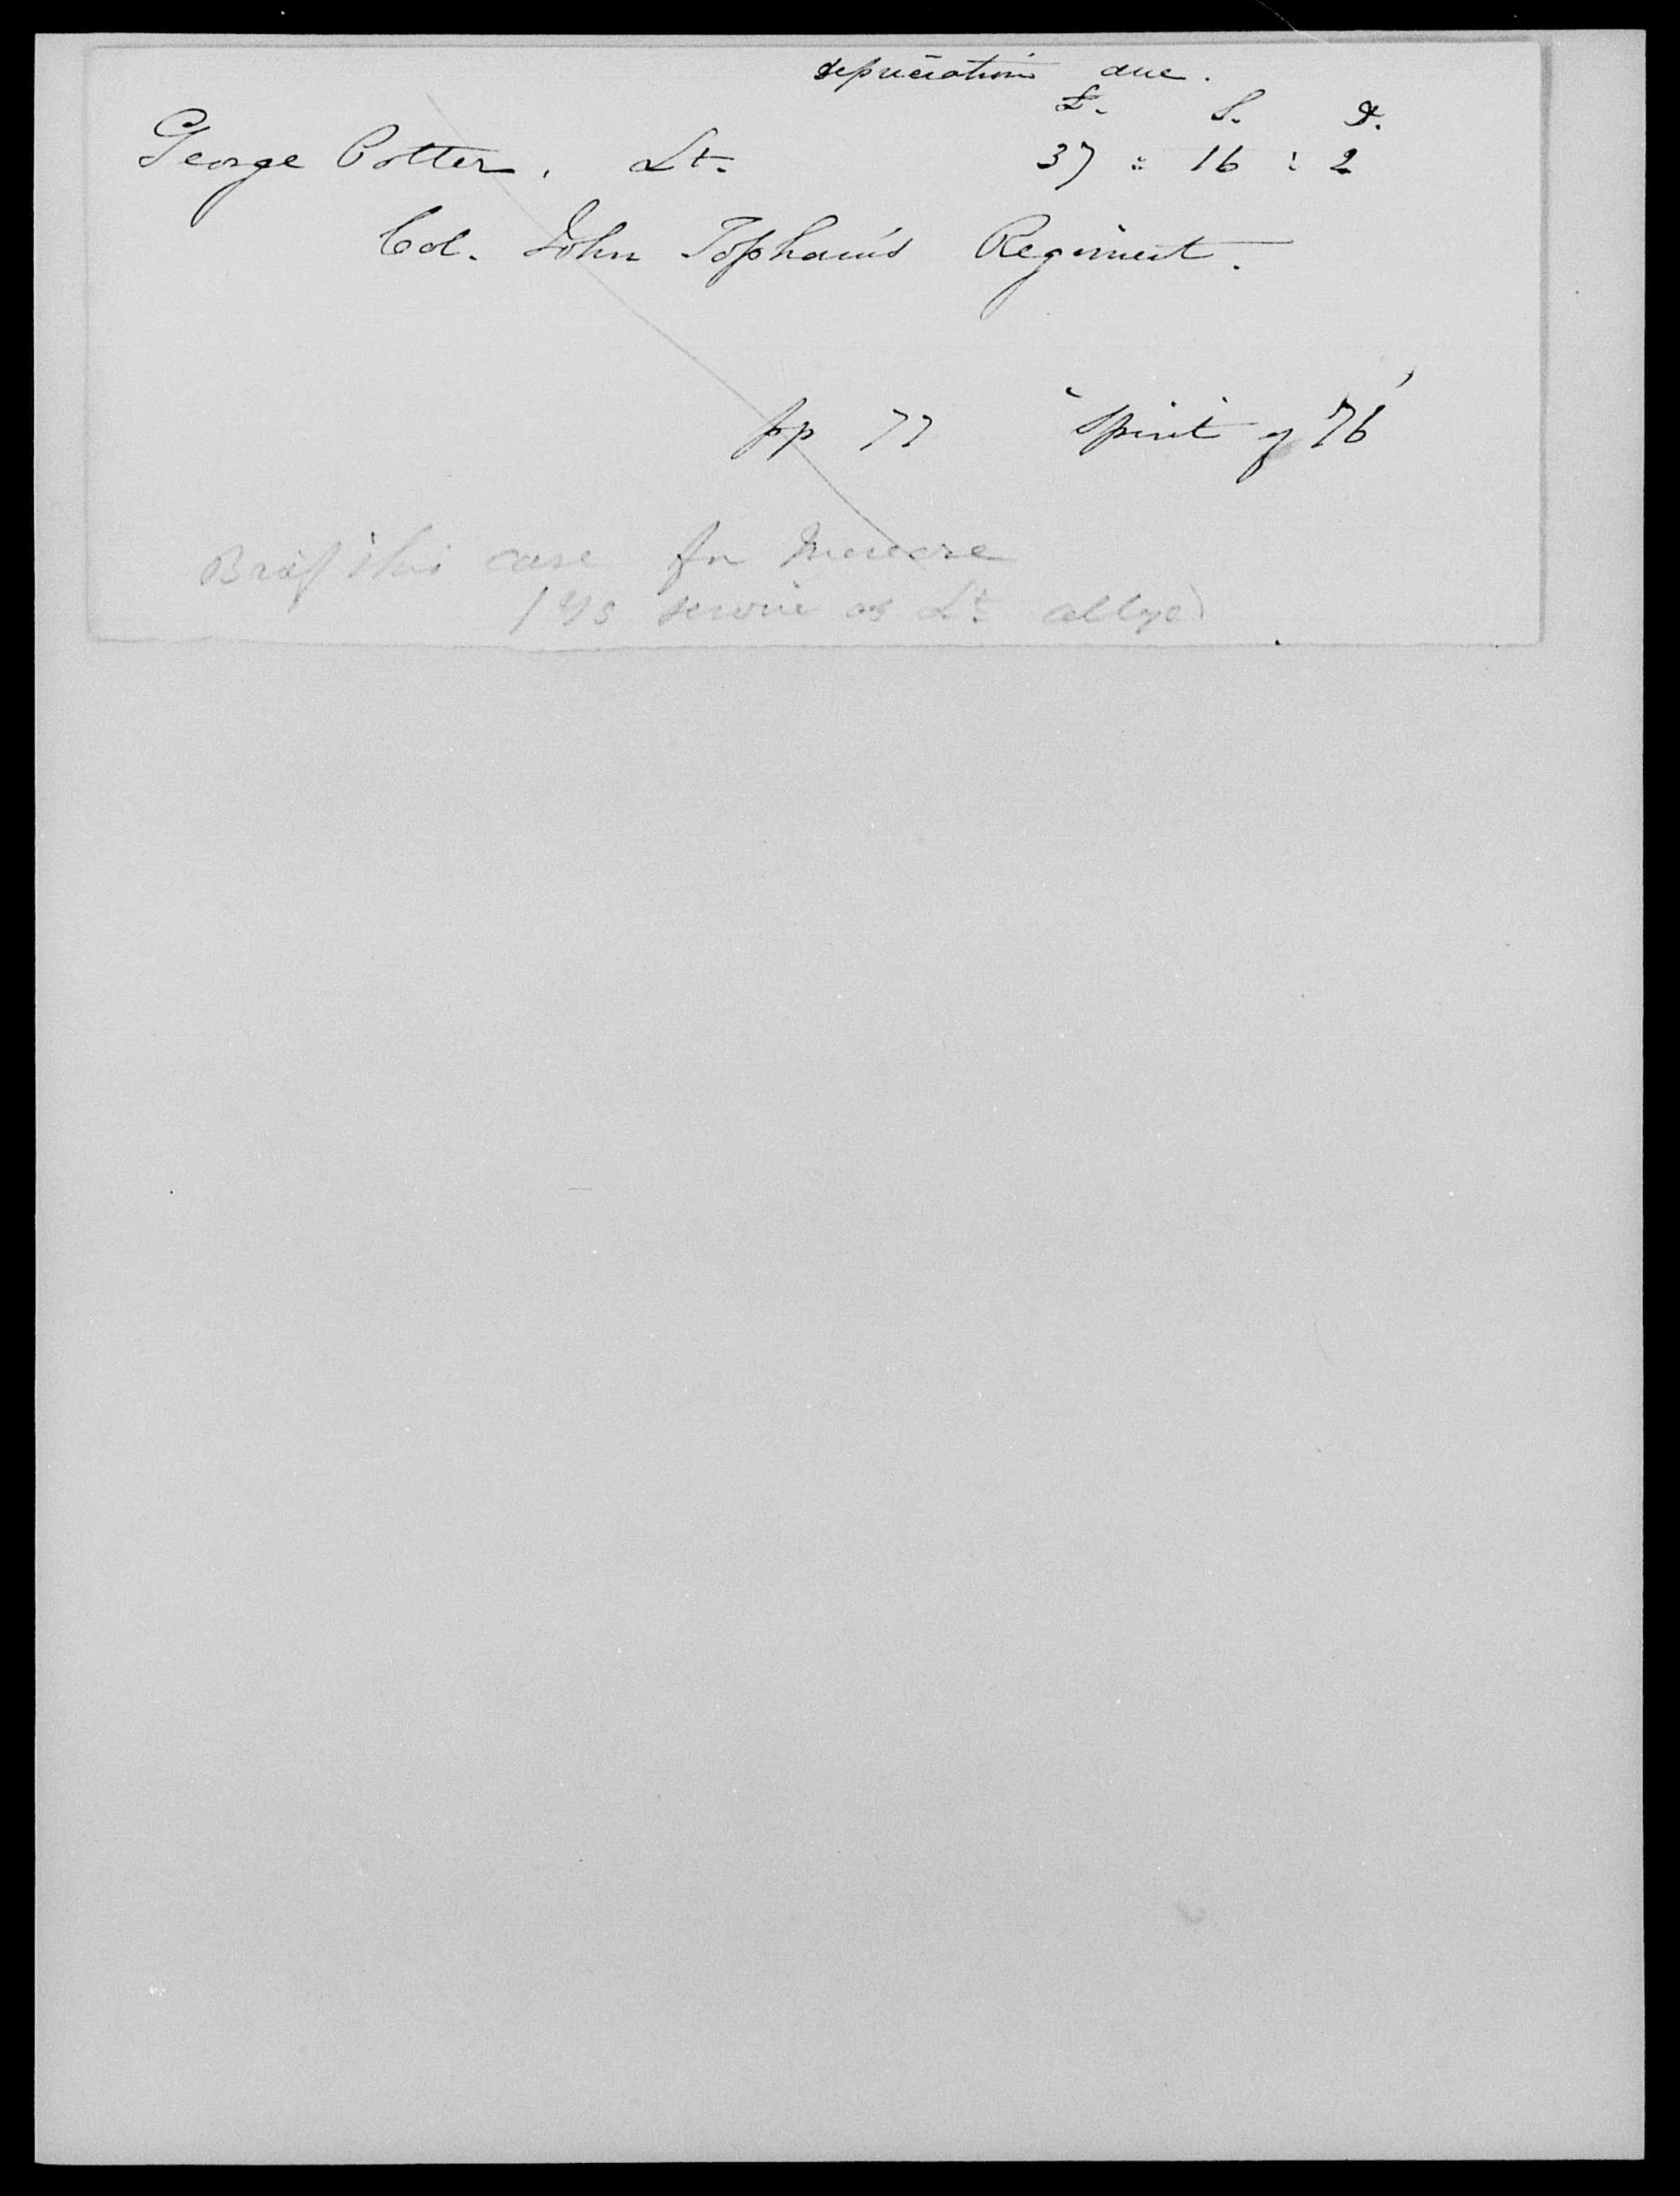depreciation due

L.                    S                    P
37                   16                  2

George Potter, Lt.

Col. John Tophand's Regiment

Pp  77    'Spirit of 76'

Brief this case for  (illegible)  1 ys service as Lt. Allye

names: George Potter; [BLANK] Allye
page: 16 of 40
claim: widow's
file: W. 16058, for George Potter, Rhode Island